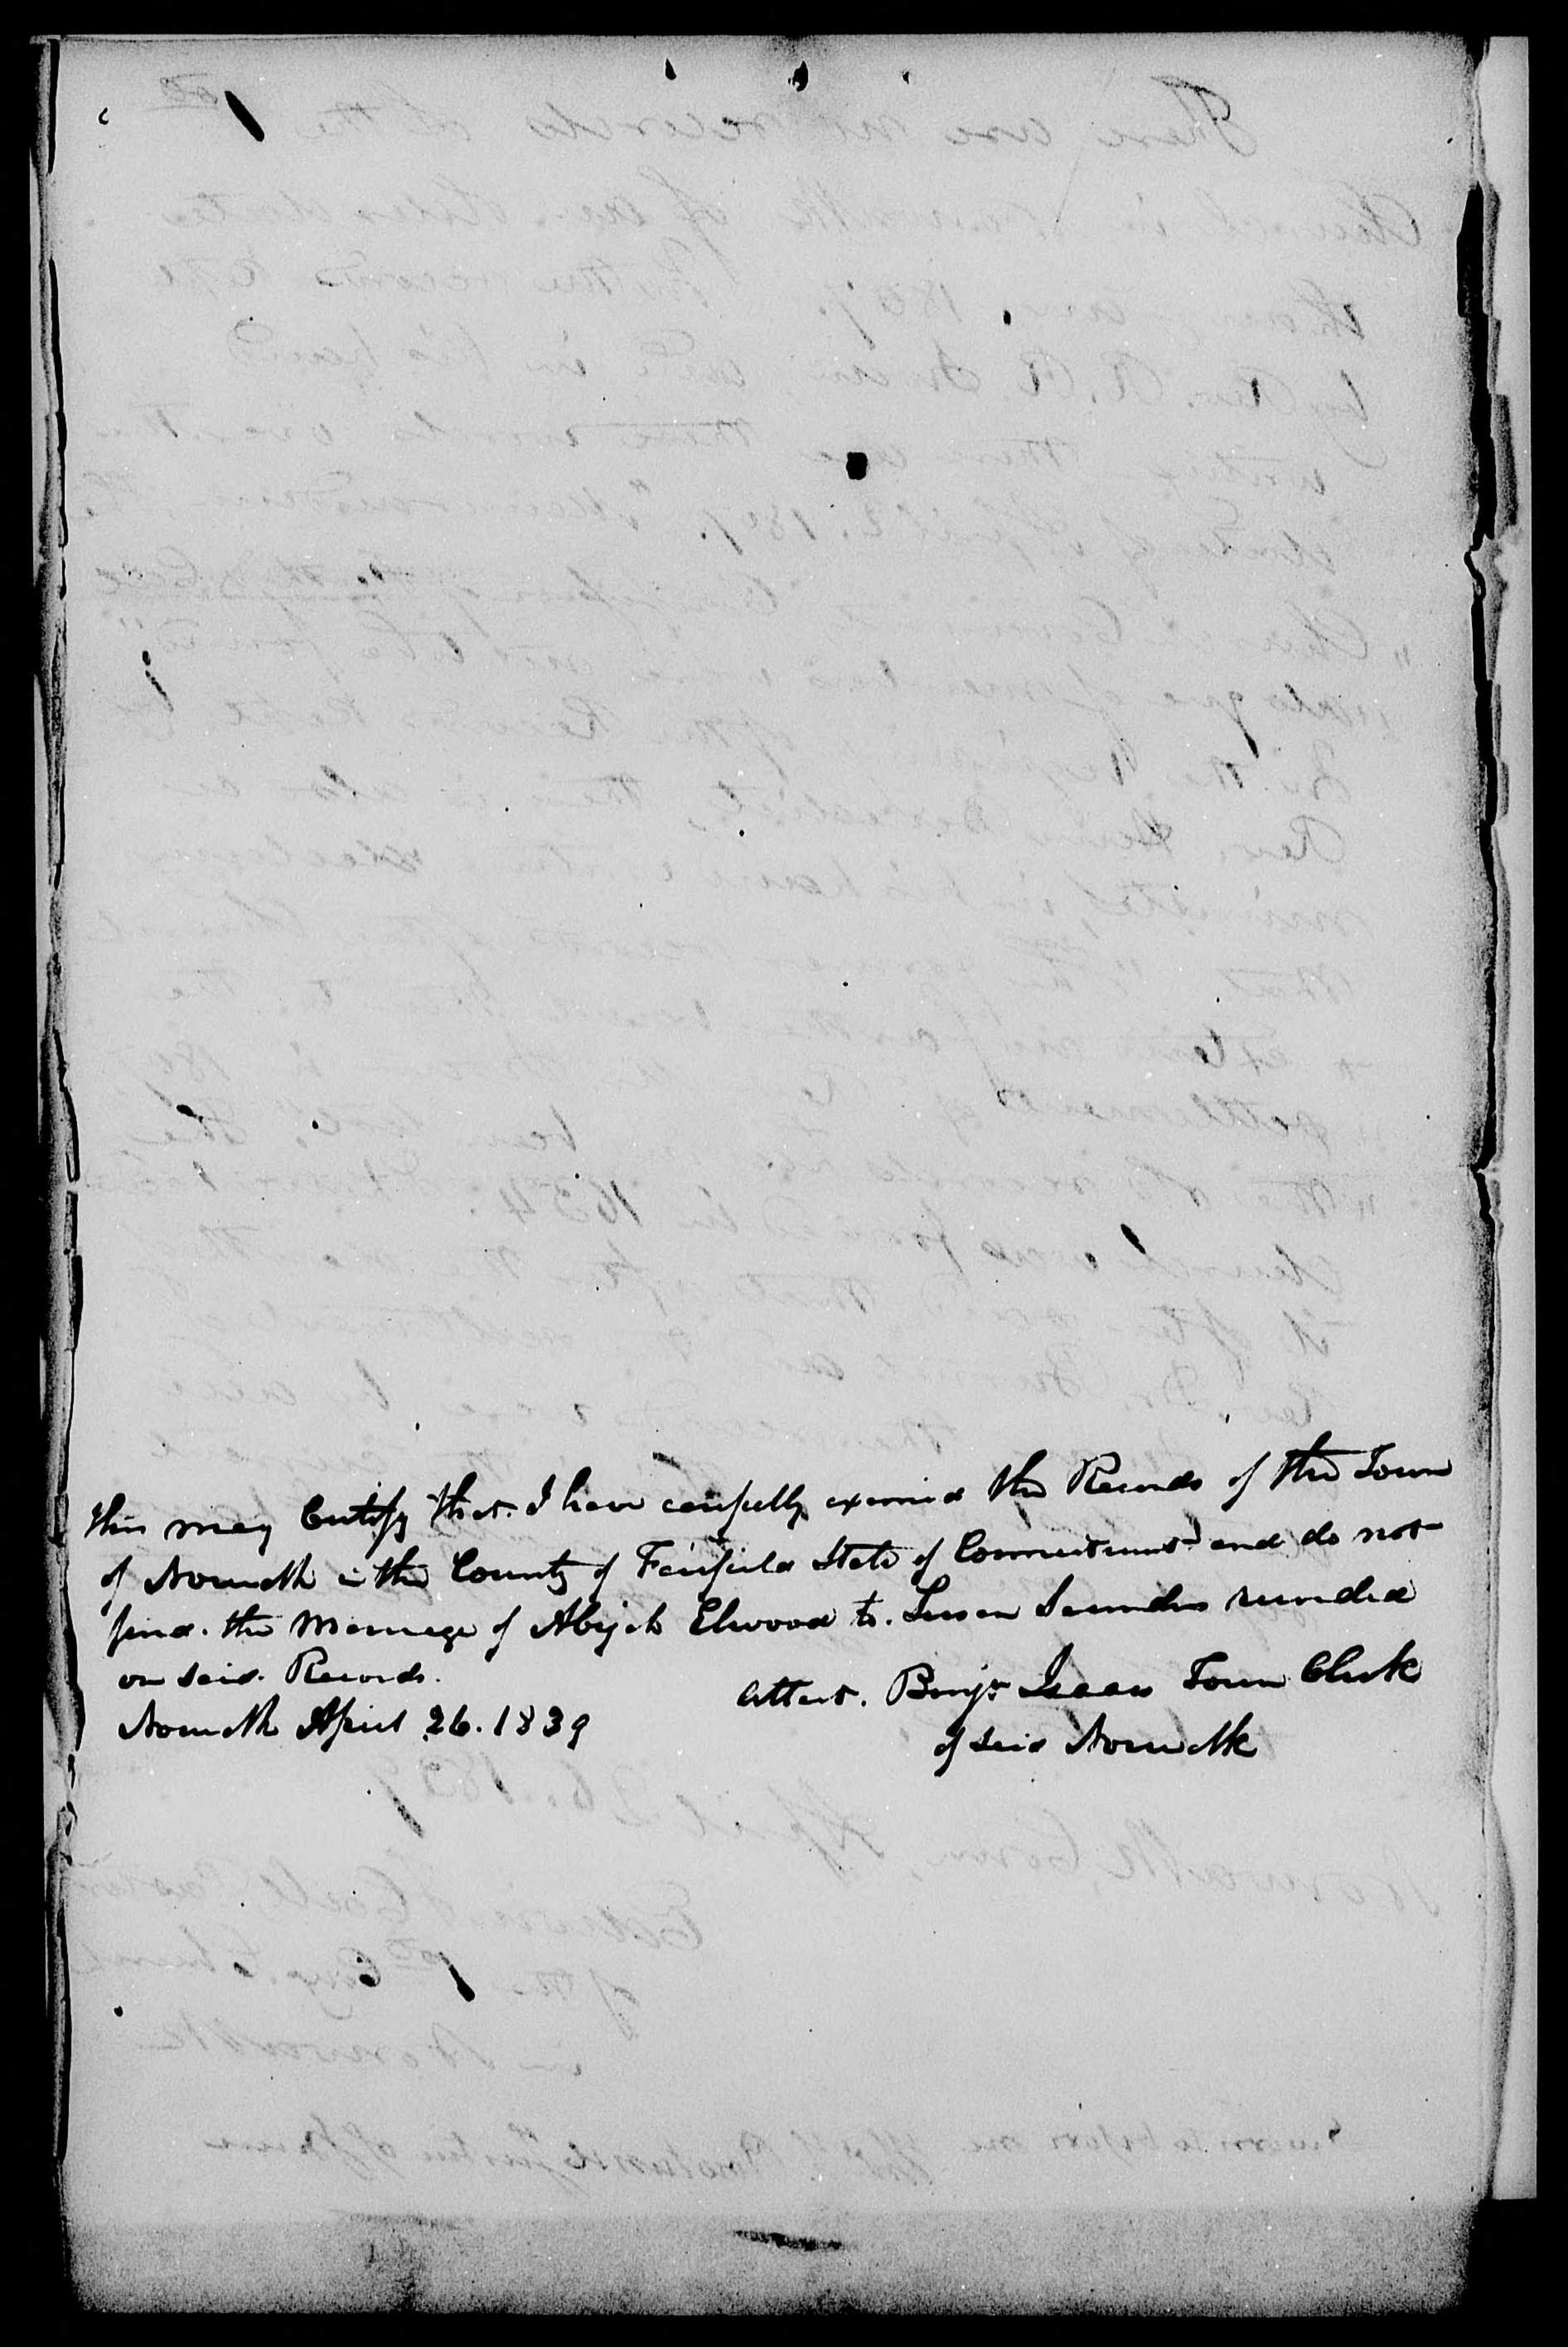This may certify that I have carefully examined the records of the town of Norwalk in the County of Fairfield State of Connecticut and do not find the marriage of Abijah Elwood to Susan Sanders recorded on said records.

attest Benj. Isaac Town Clerk of said Norwalk

Norwalk April 26, 1839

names: Abijah Elwood, Benjn Isaac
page: 56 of 69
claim: widow's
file: W. 25562, Abijah Elwood, Conn.